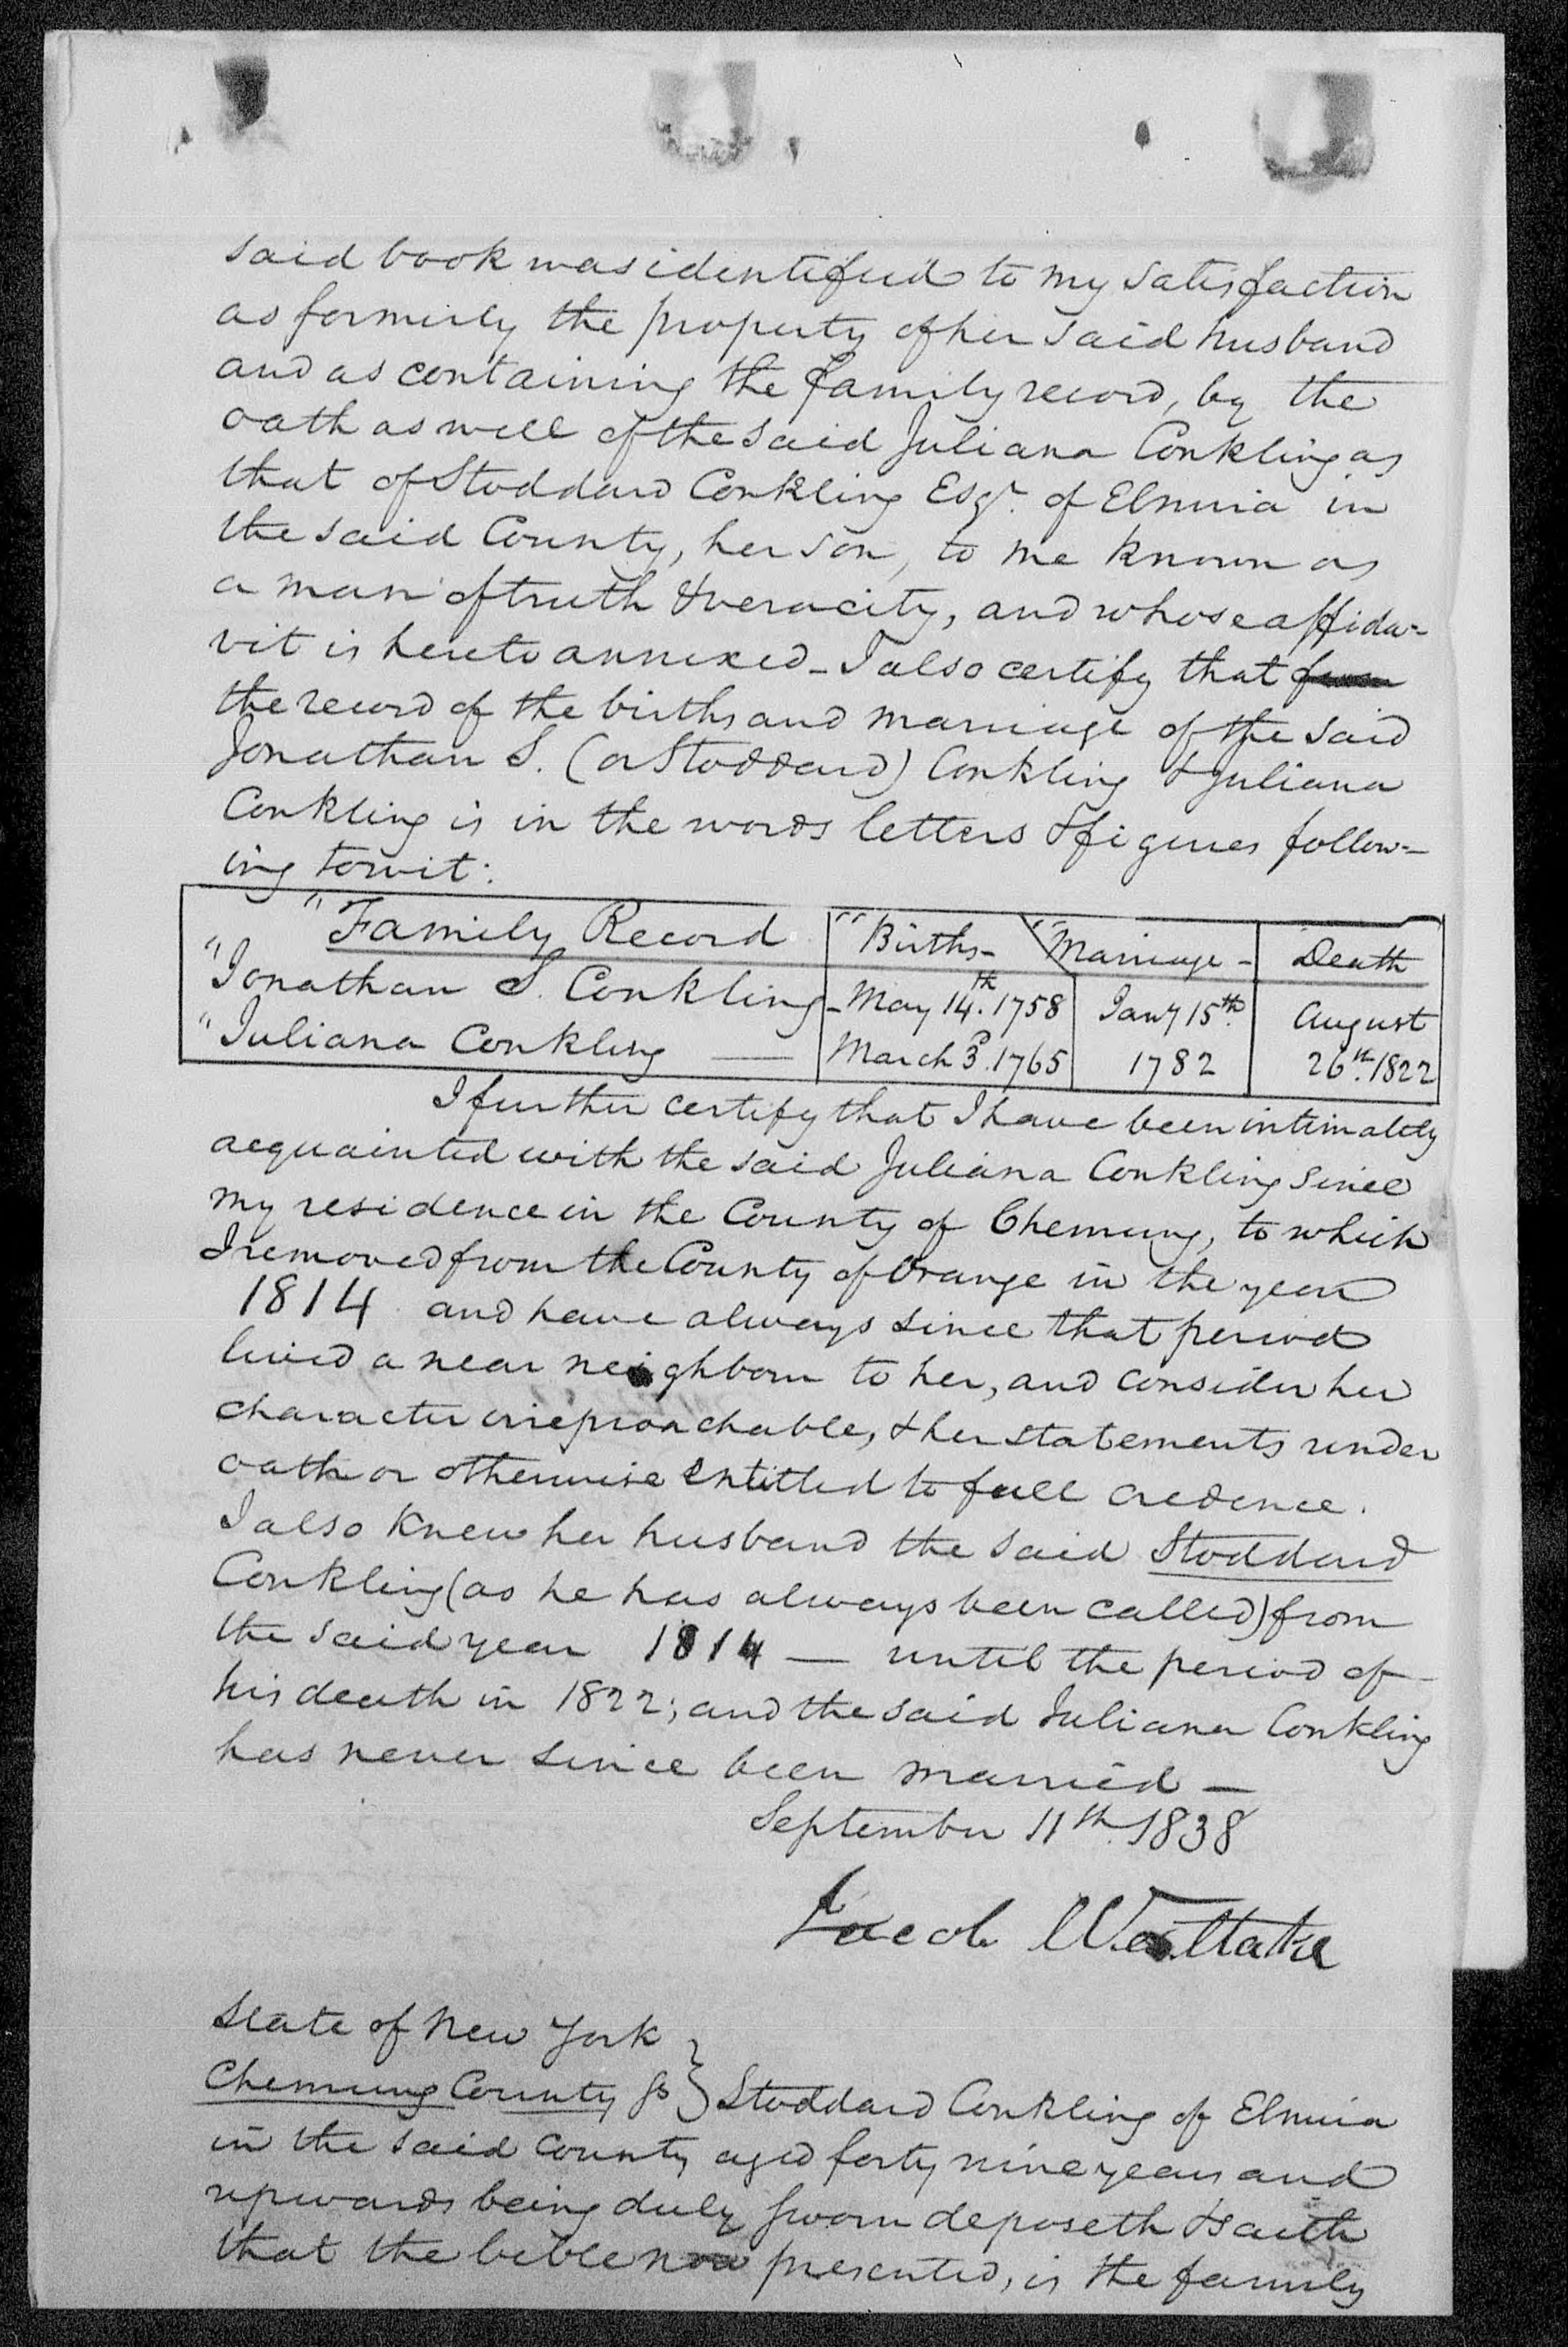said book was identified to my satisfaction as formerly the property of her said husband and as containing the family record, by the oath as well of the said Juliana Conkling as that of Stoddard Conkling Esq. of Elmira in the said county, her son, to me known as a man of truth + veracity, and whose affidavit is hereto annexed. I also certify that  the record of the births and marriage of the said Jonathan  S. (or Stoddard) Conkling + Juliana Conkling is in the words letters + figures following towit:
" Family Record /" Births " /marriage/ Death/
" Jonathan S. Conkling  May 14th 1758 Jany 15th 1 August
" Juliana Conkling  March 3d 1765   1782    26th 1822
I further certify that I have Been intimately acquainted with the said Juliana Conkling since my residence in the county of Chemung, to which I removed from the county of Orange in the year 1814 and have always  since that period lived a near neighbour to her, and consider her character irreproachable, + her statements under oath or otherwise entitled to full credence. I also knew her husband the said Stoddard Conkling ( as he has always been called) from the said year 1814. until the period of his death in 1822; and the said Juliana Conkling has never since been married. September 11th 1838 Jacob Westlake
State of New York
Chemung County ss} Stoddard Conkling of Elmira in the said county aged forty nine years and upwards being duly sworn deposeth + saith that the bible now resented, is the family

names: Stoddard Conkling, Jonathan S Conkling, Stoddard Conkling, Juliana Conkling, Stoddard Conkling, Juliana Conkling, Jonathan S Conkling, Juliana Conkling, Juliana Conkling, Jacob Westlake, Stoddard Conkling, Juliana Conkling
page: 6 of 18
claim: widow's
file: W. 18,939, Jonathan S Conkling, New York